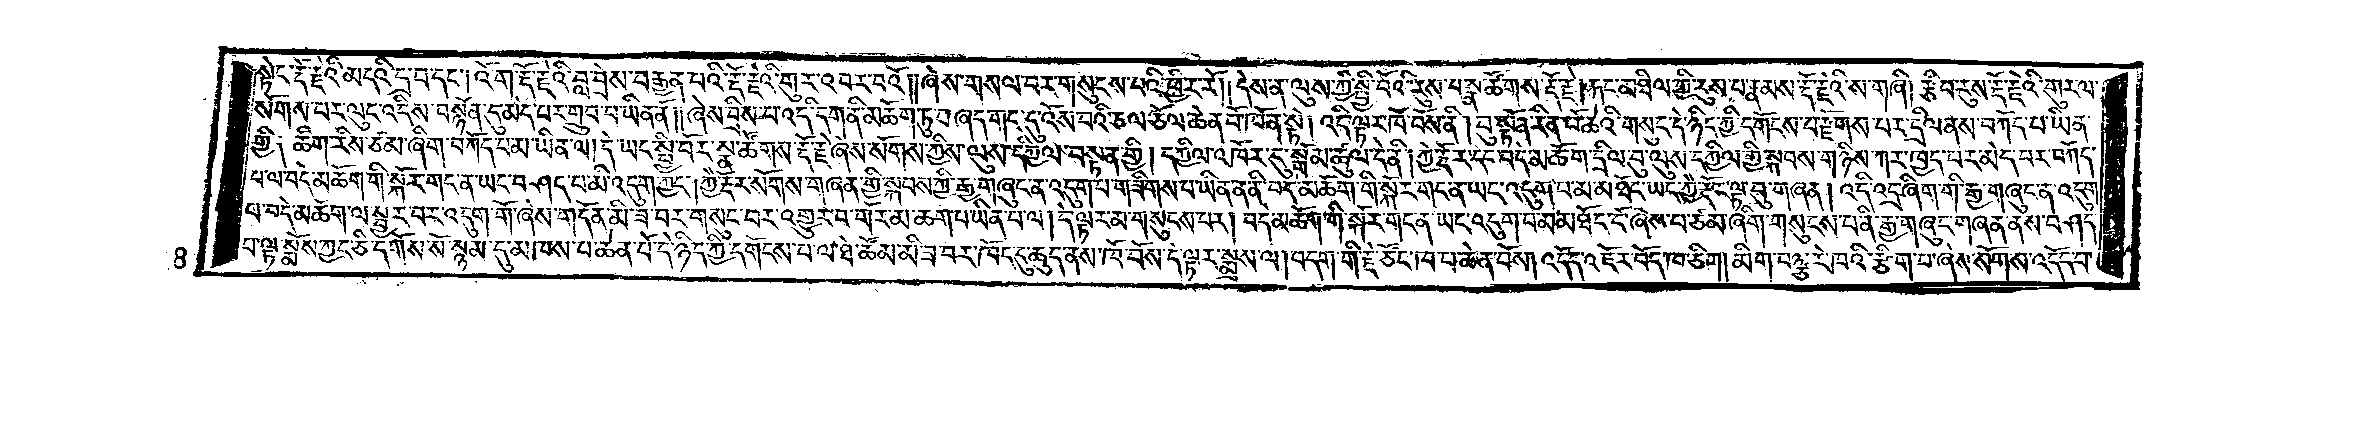སྟེང་རྡོ་རྗེའི་མདའི་དྲ་བ་དང་། འོག་རྡོ་རྗེའི་བླ་བྲེས་བརྒྱན་པའི་རྡོ་རྗེའི་གུར་འབར་བའོ། །ཞེས་གསལ་བར་གསུངས་པའི་ཕྱིར་རོ། །དེས་ན་ལུས་ཀྱི་སྤྱི་བོའི་རུས་པ་སྣ་ཚོགས་རྡོ་རྗེ། རྐང་མཐིལ་གྱི་རུས་པ་རྣམས་རྡོ་རྗེའི་ས་གཞི། རྩིབ་རུས་རྡོ་རྗེའི་གུར་ལ་
སོགས་པར་ལུང་འདིས་བསྙོན་དུ་མེད་པར་གྲུབ་པ་ཡིན་ནོ། །ཞེས་བྲིས་བ་འདི་དག་ནི་མཆོག་ཏུ་བཞད་གང་དུ་འོས་པའི་ཅལ་ཅོལ་ཆེན་པོ་ཁོ་ན་སྟེ། འདི་ལྟར་ཁོ་བོས་ནི། བུ་སྟོན་རིན་པོ་ཆེའི་གསུང་དེ་ཉིད་ཀྱི་དགོངས་པ་རྫོགས་པར་དྲིལ་ནས་བཀོད་པ་ཡིན་
གྱི༑ ཚིག་རིས་ཙམ་ཞིག་བཀོད་པ་མ་ཡིན་ལ། དེ་ཡང་སྤྱི་བོར་སྣ་ཚོགས་རྡོ་རྗེ་ཞེས་སོགས་ཀྱིས་ལུས་དཀྱིལ་བསྟན་གྱི། དཀྱིལ་འཁོར་དུ་སྒོམ་ཚུལ་དེ་ནི། ཀྱེ་རྡོར་དང་བདེ་མཆོག་དྲིལ་བུ་ལུས་དཀྱིལ་གྱི་སྐབས་གཉིས་ཀར་ཁྱད་པར་མེད་པར་བཀོད་
པ་ལ་བདེ་མཆོག་གི་སྐོར་གང་ན་ཡང་བཤད་པ་མི་འདུག་ཀྱང་། ཀྱཻ་རྡོར་སོགས་གཞན་གྱི་སྐབས་ཀྱི་རྒྱ་གཞུང་ན་འདུག་པ་གཟིགས་པ་ཡིན་ན་ནི་བདེ་མཆོག་གི་སྐོར་གང་ན་ཡང་འདུག་པ་མ་མཐོང་ཡང་ཀྱཻ་རྡོར་ལྟ་བུ་གཞན། འདི་འདྲ་ཞིག་གི་རྒྱ་གཞུང་ན་འདུག་
པ་བདེ་མཆོག་ལ་སྦྱར་བར་འདུག་གོ་ཞེས་གདོན་མི་ཟ་བར་གསུང་བར་འགྱུར་བ་གོར་མ་ཆག་པ་ཡིན་པ་ལ། དེ་ལྟར་མ་གསུངས་པར། བདེ་མཆོག་གི་སྐོར་གང་ན་ཡང་འདུག་པ་མ་མཐོང་ངོ་ཞེས་པ་ཙམ་ཞིག་གསུངས་པ་ནི་རྒྱ་གཟུང་གཞན་ནས་བཤད་
པ་ལྟ་སྨོས་ཀྱང་ཅི་དགོས་སོ་སྙམ་དུ་མཁས་པ་ཆེན་པོ་དེ་ཉིད་ཀྱི་དགོངས་པ་ལ་ཐེ་ཚོམ་མི་ཟ་བར་ཁོང་དུ་ཆུད་ནས་ཁོ་བོས་དེ་ལྟར་སྨྲས་ལ། བདག་གི་རྗེ་ཙོང་ཁ་བ་ཆེན་པོས། འདོད་འཇོར་བོད་ཁ་ཅིག། མིག་པཉྩ་རེ་ཁའི་རྩིག་པ་ཞེས་སོགས་འདོད་པ་